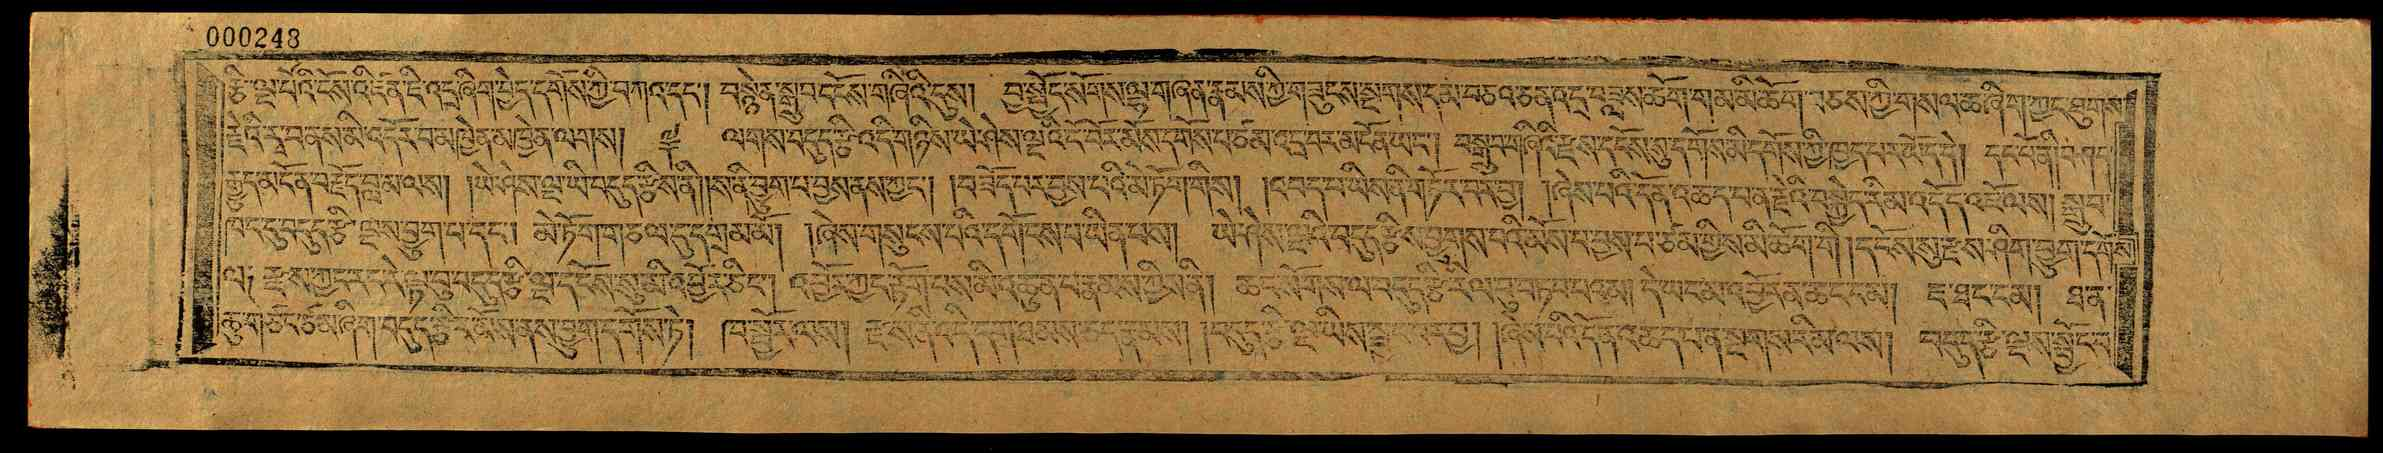རྩི་ལྔ་པོའི་ངོས་འཛིན་ཇི་འདྲེ་ཞིག་བྱེད་དགོས་ཀྱི་བཀའ་དང་། བསྙེན་སྒྲུབ་དངོས་གཞིའི་དུས། བྱ་སྤྱོད་སོགས་ལྷ་གཞན་རྣམས་ཀྱི་གཟུངས་སྔགས་དམ་བཅའ་ཅན་འདྲ་བཟླས་ཆོག་གམ་མི་ཆོག་བཅས་ཀྱི་གསལ་ཆ་ཞིག་ཀྱང་ཐུགས་
རྗེའི་རྭ་བ་ནས་མི་འདོར་བ་མཁྱེན་མཁྱེན་ལགས། ༈ ལགས་བདུད་རྩི་འདི་གཉིས་ཡེ་ཤེས་ལྔའི་ངོ་བོར་མོས་དགོས་པར་ཙམ་འདྲ་བར་མངོན་ཡང་། བསྒྲུབ་གཞིའི་རྫས་དངོས་སུ་དགོས་མི་དགོས་ཀྱི་ཁྱད་པར་ཡོད་དེ། དང་པོ་ནི། བཤད་
རྒྱུད་མངོན་བརྗོད་བླ་མ་ལས། །ཡེ་ཤེས་ལྔ་ཡི་བདུད་རྩིས་ནི། །ས་ནི་ཕྱུག་པ་བྱས་ནས་ཀྱང་། །བགྲོད་པར་བྱས་པའི་མེ་ཏོག་གིས་།འབད་པ་ཡིས་ནི་གཏོར་བར་བྱ། །ཞེས་པའི་དོན་འཆད་པ་ན་རྗེའི་བསྐྱེད་རིམ་འདོད་འཇོ་ལས། སྒྲུབ་
ཁང་དུ་བདུད་རྩི་ལྔས་བྱུག་པ་དང་། མེ་ཏོག་གཅལ་དུ་དགྲམ་མོ། །ཞེས་གསུངས་པའི་དགོངས་པ་ཡིན་པས། ཡེ་ཤེས་ལྔའི་བདུད་རྩིས་བྱུགས་པའི་མོས་པ་བྱས་པ་ཙམ་གྱིས་མི་ཆོག་གི །དངོས་སུ་རྫས་ཤིག་བྱུག་དགོས་
ལ༑ རྫས་ཀྱང་རང་རེ་ལྟ་བུ་བདུད་རྩི་ལྔ་དངོས་སུ་མི་འབྱོར་ཅིང་། འབྱོར་ཀྱང་རྟོག་པས་མི་འཆུནྤ་རྣམས་ཀྱིས་ནི། ཆང་སོགས་ལ་བདུད་རྩི་རིལ་བུ་བཏབ་པའམ། དེ་ཡང་མ་འབྱོར་ན་ཆང་ངམ། ཇ་ཐང་ངམ། ཐ་ན་
ཆུ་གཙང་ཙམ་ཞིག་བདུད་རྩིར་མོས་ནས་བྱུག་དགོས་ཏེ། ཁ་སྦྱོར་ལས། རྫས་ནི་འདི་དག་ཐམས་ཅད་རྣམས། །བདུད་རྩི་ལྔ་ཡིས་སྦྱང་བར་བྱ། །ཞེས་པའི་དོན་འཆད་པ་ན་སྔགས་རིམ་ལས། བདུད་རྩི་ལྔས་སྦྱོང་བ་